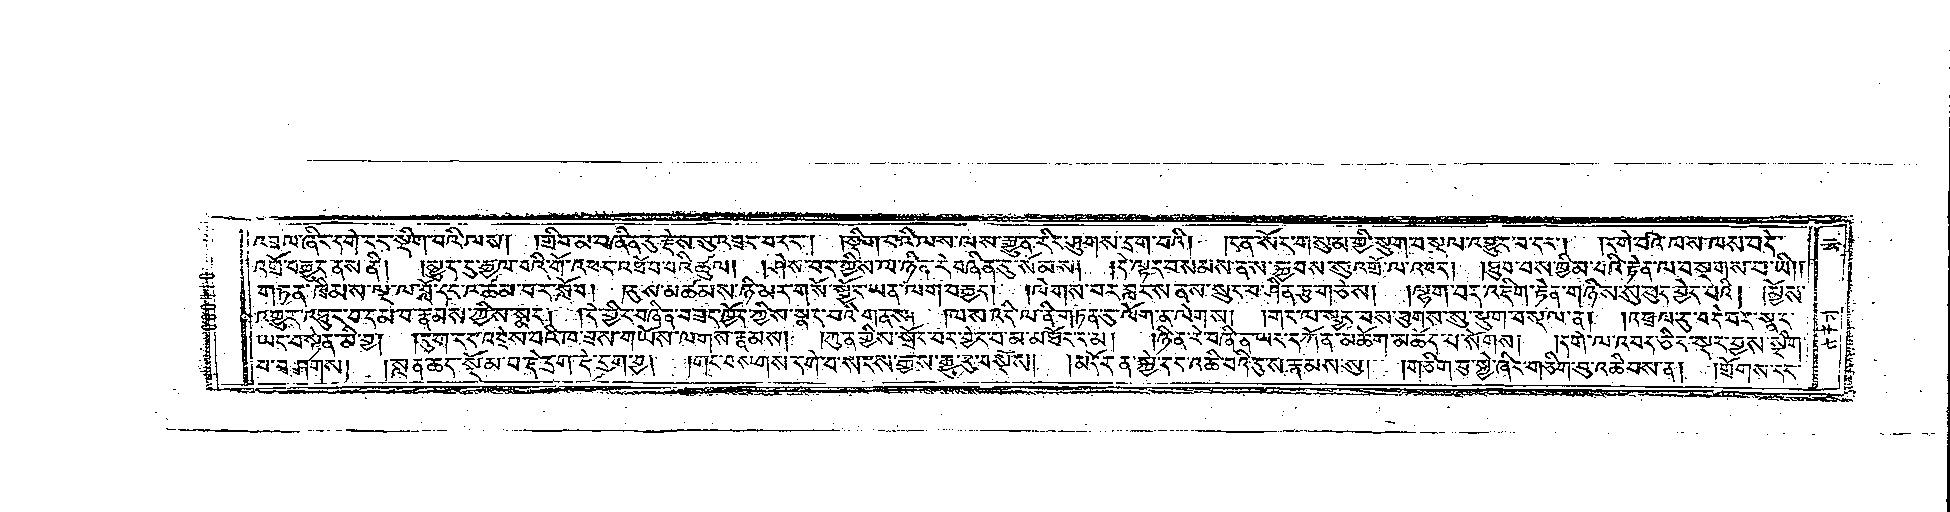འབྲལ་ཞིང་དགེ་དང་སྡིག་པའི་ལས། །གྲིབ་མ་བཞིན་དུ་རྗེས་སུ་འབྲང་བ་དང་། །སྡིག་བའི་ལས་ལས་རྒྱུན་རིང་ཤུགས་དྲག་པའི། །ངན་སོང་གསུམ་གྱི་སྡུག་བསྔལ་འབྱུང་བ་དང་། །དགེ་བའི་ལས་ལས་བདེ་
འགྲོ་བརྒྱུད་ནས་ནི། །མྱུར་དུ་རྒྱལ་བའི་གོ་འཕང་འཐོབ་པའི་ཚུལ། །ཤེས་བར་གྱིས་ལ་ཉིན་རེ་བཞིན་དུ་སོམས། །དེ་ལྟར་བསམས་ནས་སྐྱབས་སུ་འགྲོ་ལ་འབད། །ཐུབ་པས་ཁྱིམ་པའི་རྟེན་ལ་བསྔགས་པ་ཡི།།
གཏན་ཁྲིམས་ལྔ་ལ་བློ་དང་འཚམ་པར་སློབ། །དུས་མཚམས་ཉི་མར་གསོ་སྦྱོང་ཡན་ལག་བརྒྱད། །ལེགས་པར་བླངས་ནས་སྲུང་བ་ཤིན་ཏུ་གཅེས། །ལྷག་བར་འཇིག་རྟེན་གཉིས་སུ་ཕུང་བྱེད་པའི། །མྱོས་
འགྱུར་འཐུང་བ་དམ་པ་རྣམས་ཀྱིས་སྨད། །དེ་བྱིང་བཞིན་བཟང་ཁྱོད་ཀྱིས་སྣང་བའི་གནས། །ལས་འདི་ལ་ནི་གཏན་དུ་ལོག་ན་ལེགས། །གང་ལ་སྤྱད་པས་ཕུགས་སུ་སྡུག་བསྔལ་ན། །འཕྲལ་དུ་བདེ་བར་སྣང་
ཡང་བསྟེན་མི་བྱ། །དུག་དང་འདྲེས་པའི་ཁ་ཟས་གཡོས་ལགས་རྣམས། །ཀུན་གྱིས་སྤོང་བར་བྱེད་པ་མ་མཐོང་ངམ། །ཉིན་རེ་བཞིན་ཡང་དཀོན་མཆོག་མཆོད་པ་སོགས། །དགེ་ལ་འབད་ཅིང་སྔར་བྱས་སྡིག་
པ་བཤགས། །སླན་ཆད་སྡོམ་པ་ཇེ་དྲག་ཇེ་དྲག་བྱ། །གང་བསགས་དགེ་བ་སངས་རྒྱས་རྒྱུ་རུ་བསྔོས། །མདོར་ན་སྐྱེ་དང་འཆི་བའི་དུས་རྣམས་སུ། །གཅིག་བུ་སྐྱེ་ཞིང་གཅིག་བུ་འཆི་བས་ན། །གྲོགས་དང་